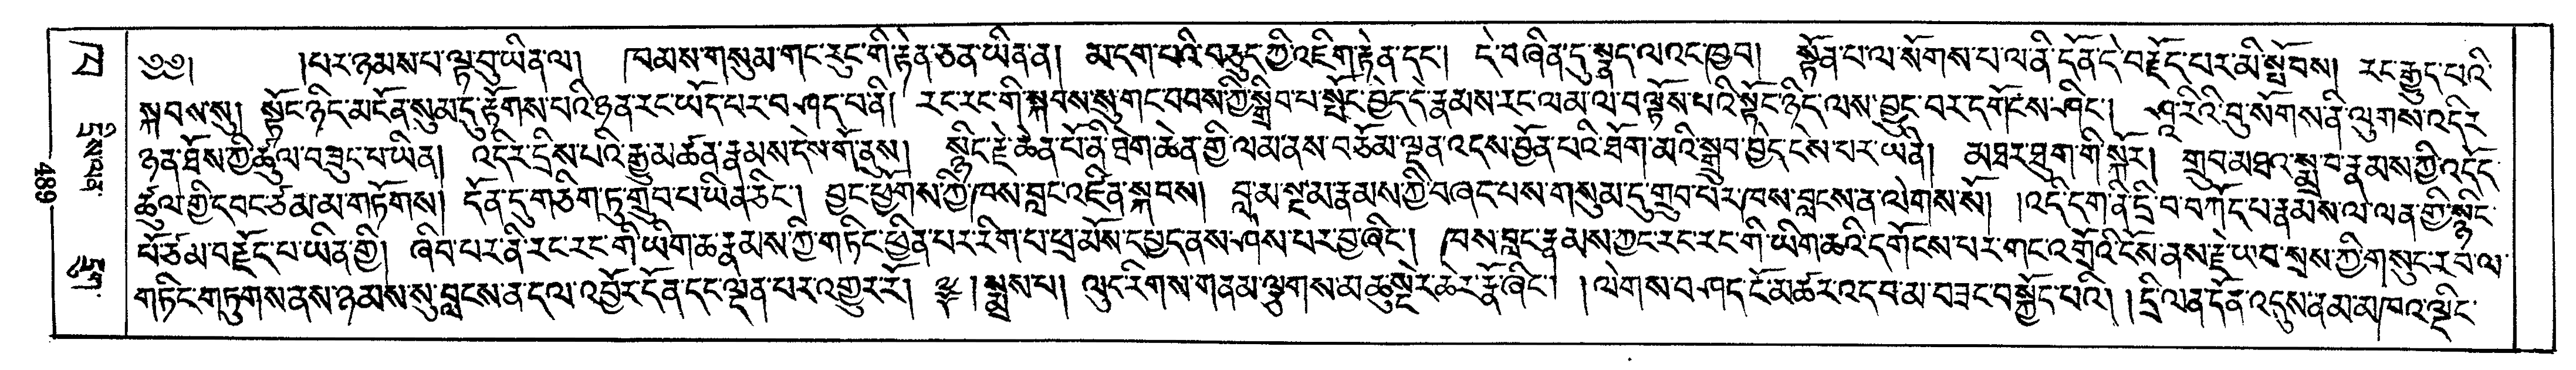༄༅། །བར་ཉམས་པ་ལྟ་བུ་ཡིན་ལ། ཁམས་གསུམ་གང་རུང་གི་རྟེན་ཅན་ཡིན་ན། མ་དག་པའི་བཅུད་ཀྱི་འཇིག་རྟེན་དང་། དེ་བཞིན་དུ་སྣོད་ལའང་ཁྱབ། སྟོན་པ་ལ་སོགས་པ་ལ་ནི་དོན་དེ་བརྗོད་པར་མི་སྤོབས། རང་རྒྱུད་པའི་
སྐབས་སུ། སྟོང་ཉིད་མངོན་སུམ་དུ་རྟོགས་པའི་ཉན་རང་ཡོད་པར་བཤད་པ་ནི། རང་རང་གི་སྐབས་སུ་གང་བབས་ཀྱི་སྒྲིབ་པ་སྤོང་བྱེད་དེ་རྣམས་རང་ལམ་ལ་བལྟོས་པའི་སྟོང་ཉིད་ལས་བྱུང་བར་དགོངས་ཤིང་། ཤཱ་རིའི་བུ་སོགས་ནི་ལུགས་འདིར་
ཉན་ཐོས་ཀྱི་ཚུལ་བཟུང་བ་ཡིན། འདིར་དྲིས་པའི་རྒྱུ་མཚན་རྣམས་དེས་གོ་ནུས། སྙིང་རྗེ་ཆེན་པོ་ནི་ཐེག་ཆེན་གྱི་ལམ་ནས་བཅོམ་ལྡན་འདས་བྱོན་པའི་ཐོག་མའི་སྒྲུབ་བྱེད་ངེས་པར་ཡིན། མཐར་ཐུག་གི་སྐོར། གྲུབ་མཐའ་སྨྲ་བ་རྣམས་ཀྱི་འདོད་
ཚུལ་གྱི་དབང་ཙམ་མ་གཏོགས། དོན་དུ་གཅིག་ཏུ་གྲུབ་པ་ཡིན་ཅིང་། བྱང་ཕྱོགས་ཀྱི་ཁས་བླང་འཛིན་སྐབས། བླ་མ་སྔ་མ་རྣམས་ཀྱི་བཞེད་པས་གསུམ་དུ་གྲུབ་པར་ཁས་བླངས་ན་ལེགས་སོ། །འདི་དག་ནི་དྲི་བ་བཀོད་པ་རྣམས་ལ་ལན་གྱི་སྙིང་
པོ་ཙམ་བརྗོད་པ་ཡིན་གྱི། ཞིབ་པར་ནི་རང་རང་གི་ཡིག་ཆ་རྣམས་ཀྱི་གཏིང་ཕྱིན་པར་རིག་པ་ཕྲ་མོས་དབྱང་ནས་ཤེས་པར་བྱ་ཞིང་། ཁས་བླང་རྣམས་ཀྱང་རང་རང་གི་ཡིག་ཆའི་དགོངས་པར་གང་འགྲོའི་ངོས་ནས་རྗེ་ཡབ་སྲས་ཀྱི་གསུང་རབ་ལ་
གཏིང་གཏུགས་ནས་ཉམས་སུ་བླངས་ན་དལ་འབྱོར་དོན་དང་ལྡན་པར་འགྱུར་རོ། ༈ །སྨྲས་པ། ལུང་རིགས་གནམ་ལྕགས་མཆུ་སྡེར་ཆེར་རྣོ་ཞིང་། །ལེགས་བཤད་ངོ་མཚར་འདབ་མ་བཟང་བསྐྱོད་པའི། །དྲི་ལན་དོན་འདུས་ནམ་མཁའ་ལྡིང་